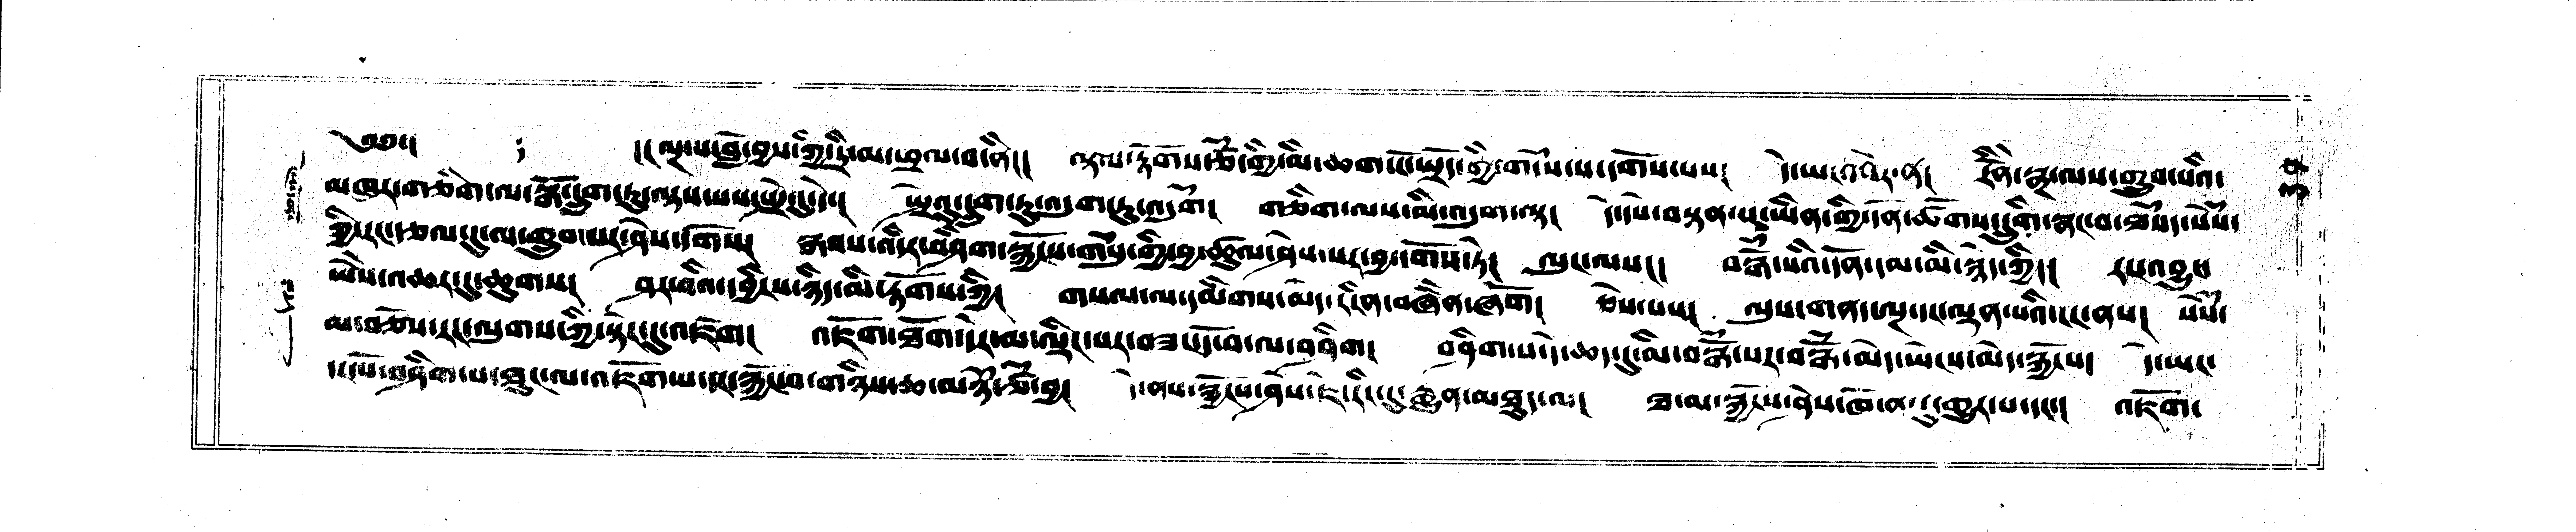ལྔ་པ་བློ་བྱས་ཀྱི་དྲི་མ་བྲལ་བ་ནི། ལྟ་བ་རྟོགས་ཙམ་གྱིས་མི་ཆོག ངོ་སྤྲོད་ཀྱི་གདམས་པ་དགོས་པས། དེ་ཡང་དཔེར་ན། རིན་པོ་ཆེ་སྣ་ལྔ་ལས་གྲུབ་པའི་
མཁར་གཅིག་ལ་སྒོ་དྲུག་ཏུ་བལྟས་པས་སྤྲེའུ་དེ། སྤྲེའུ་དྲུག་ཏུ་འདུག་གམ། གཅིག་ལས་མི་འདུག་ལྟ། དེ་དཔེ་བསྟན་པ་ཡིན་གྱི་དོན་ཚོགས་དྲུག་གི་སྣང་བ་ཐམས་ཅད་སེམས་
ཀྱི་རང་རྩལ་དུ་མ་གྲུབ་པ་ཤེས་དགོས། སྐབས་འདིར་༼འཇོག༽བཤིགས་སྐྱོིང་གསུམ་གྱི་བྱ་ཚུལ་ཤེས་པར་བྱ་དགོས་ཏེ། ལུང་ལས། བསྒོམ་པའི་དོན་དམ་མི་རྙེད་ཀྱི། རང་འབྱུང་
ཡེ་ཤེས་འཆར་དུ་ཆུག །ཤར་བའི་དབྱིངས་ཉིད་མི་རྟོགས་ཀྱི། གསལ་ལ་དམིགས་མེད་རང་བཞིན་ཞོག །ཅེས་པས། ལུས་གནད་ལྔ་དང་ལྡན་པའི་ངང་ནས། སེམས་
མ་བཅོས་རང་ལུགས་ཀྱི་སྟེང་དུ་འཇོག འཇོག་ཐོག་དེར་མ་ལྡེང་བར་བཟང་དོ་བ་ལ་བཤིགས། བཤིགས་པ་དེ་ཆེད་དུ་མི་བསྒོམ་པར་སྒོམ་མེད་ཡེངས་མེད་སྐྱོང་། དེ་ཡང་
དང་པོ་བཤིགས་པ་ཐུང་ལ་འཇོག་པ་དང་སྐྱོིང་བ་གཉིས་ཆ་མཉམ་ཙམ་བྱ། དེ་ནས་སྐྱོང་ཤེས་ཇེ་རིང་དུ་རྒྱུན་མཐུད་ལ། ཐ་མ་སྐྱོང་ཤེས་ཁོ་ན་རུ་གྱུར་པ་དང་། འཇོག་